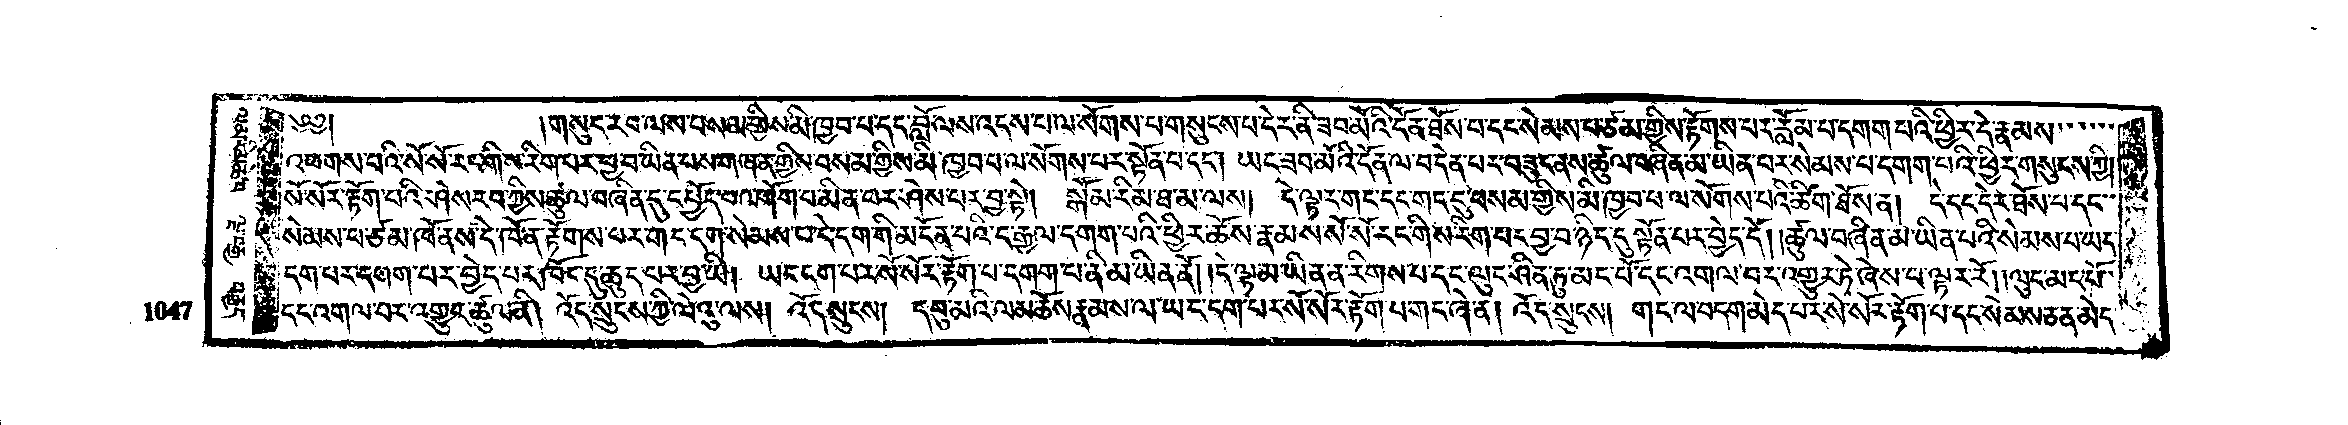༄༅། །གསུང་རབ་ལས་བསམ་གྱིས་མི་ཁྱབ་པ་དང་བློ་ལས་འདས་པ་ལ་སོགས་པ་གསུངས་པ་དེར་ནི་ཟབ་མོའི་དོན་ཐོས་པ་དང་སེམས་པ་ཙམ་གྱིས་རྟོགས་པར་རློམ་པ་དགག་པའི་ཕྱིར་དེ་རྣམས་
འཕགས་པའི་སོ་སོ་རང་གིས་རིག་པར་བྱ་བ་ཡིན་པས་གཞན་གྱིས་བསམ་གྱིས་མི་ཁྱབ་པ་ལ་སོགས་པར་སྟོན་པ་དང་། ཡང་ཟབ་མོའི་དོན་ལ་བདེན་པར་བཟུང་ནས་ཚུལ་བཞིན་མ་ཡིན་པར་སེམས་པ་དགག་པའི་ཕྱིར་གསུངས་ཀྱི།
སོ་སོར་རྟོག་པའི་ཤེས་རབ་ཀྱིས་ཚུལ་བཞིན་དུ་དཔྱོད་པ་འགོག་པ་མིན་པར་ཤེས་པར་བྱ་སྟེ། སྒོམ་རིམ་ཐ་མ་ལས། དེ་ལྟར་གང་དང་གང་དུ་བསམ་གྱིས་མི་ཁྱབ་པ་ལ་སོགས་པའི་ཚིག་ཐོས་ན། དེ་དང་དེར་ཐོས་པ་དང་
སེམས་པ་ཙམ་ཁོ་ནས་དེ་ཁོ་ན་རྟོགས་པར་གང་དག་སེམས་པ་དེ་དག་གི་མངོན་པའི་ང་རྒྱལ་དགག་པའི་ཕྱིར་ཆོས་རྣམས་སོ་སོ་རང་གིས་རིག་པར་བྱ་བ་ཉིད་དུ་སྟོན་པར་བྱེད་དོ། །ཚུལ་བཞིན་མ་ཡིན་པའི་སེམས་པ་ཡང་
དག་པར་དགག་པར་བྱེད་པར་ཁོང་དུ་ཆུད་པར་བྱ་ཡི། ཡང་དག་པར་སོ་སོར་རྟོག་པ་དགག་པ་ནི་མ་ཡིན་ནོ། །དེ་ལྟ་མ་ཡིན་ན་རིགས་པ་དང་ལུང་ཤིན་ཏུ་མང་པོ་དང་འགལ་བར་འགྱུར་ཏེ་ཞེས་པ་ལྟར་རོ། །ལུང་མང་པོ་
དང་འགལ་བར་འགྱུར་ཚུལ་ནི། འོད་སྲུངས་ཀྱི་ལེའུ་ལས། འོད་སྲུངས། དབུ་མའི་ལམ་ཆོས་རྣམས་ལ་ཡང་དག་པར་སོ་སོར་རྟོག་པ་གང་ཞེ་ན། འོད་སྲུངས། གང་ལ་བདག་མེད་པར་སོ་སོར་རྟོག་པ་དང་སེམས་ཅན་མེད་